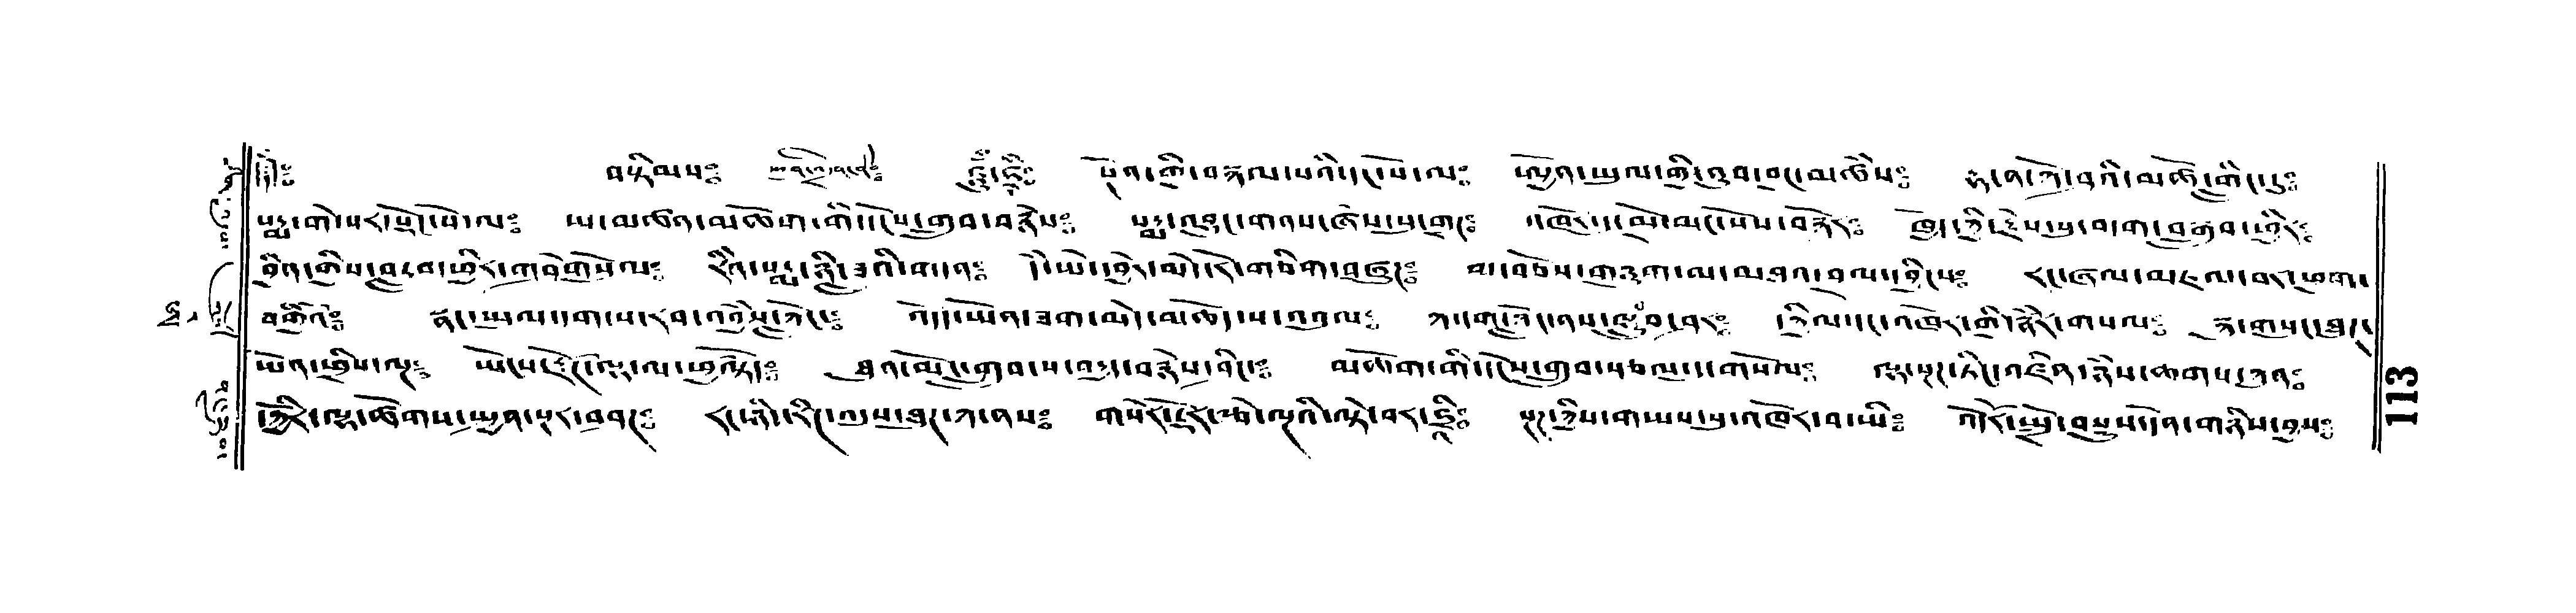བསྟིམས༔ སྤྱན་འདྲེན་ནི༔ ཧཱུྃ་ཧྲཱིཿ སྔོན་གྱི་བསྐལ་པའི་དང་པོ་ལཿ ཨོ་རྒྱན་ཡུལ་གྱི་ནུབ་བྱང་མཚམས༔ དྷ་ན་ཀོ་ཤའི་མཚོ་གླིང་དུ༔ 
པདྨ་གེ་སར་སྡོང་པོ་ལ༔ ཡ་མཚན་མཆོག་གི་དངོས་གྲུབ་བརྙེས༔ པདྨ་འབྱུང་གནས་ཞེས་སུ་གྲགས༔ འཁོར་དུ་མཁའ་འགྲོ་མང་པོས་བསྐོར༔ ཁྱེད་ཀྱི་རྗེས་སུ་བདག་བསྒྲུབ་ཕྱིརཿ 
བྱིན་གྱིས་རློབ་ཕྱིར་གཤེགས་སུ་གསོལ༔ རིན་ཆེན་པདྨ་ཉི་ཟླའི་གདནཿ དམ་ཡེ་དབྱེར་མེད་རོ་གཅིག་བཞུགས༔ མ་བཅོས་གཉུག་མ་མཐའ་བྲལ་དབྱིངས༔ རང་ཞལ་མཇལ་བར་ཕྱག་
བགྱིའོ༔ སྣང་ཡུལ་དག་པར་རབ་འབྱམས་ཀློང༔ འདོད་ཡོན་ཟག་མེད་མཆོད་པ་འབུལ༔ ཀ་དག་ཀློང་ནས་ལྷུན་གྲུབ་ཤར༔ དཀྱིལ་དང་འཁོར་གྱི་རྣལ་འབྱོར་གསལ༔ སྐུ་གསུང་ཐུགས་
ཡོན་ཕྲིན་ལས་ལྔ༔ ཡོངས་རྫོགས་ལྷ་ལ་ཕྱག་འཚལ་བསྟོད༔ ཐུན་མོང་གྲུབ་པ་བརྒྱད་བརྙེས་ཤིང༔ མཆོག་གི་དངོས་གྲུབ་བསྩལ་དུ་གསོལ༔ ལྷ་སྔགས་ཏིང་འཛིན་ཉམས་ཆག་ཀུན༔ 
དཀྱིལ་འཁོར་ལྷ་ཚོགས་སྤྱན་སྔར་བཤགས༔ རང་ཉིད་རིགས་འདུས་ཐུགས་ཀ་ནས༔ གསེར་རྡོར་རྩེ་ལྔའི་ལྟེ་བར་ཧྲཱིཿ སྔགས་ཀྱིས་གཡས་སུ་འཁོར་བ་ཡི༔ འོད་ཟེར་སྤྲོ་བསྡུས་དོན་གཉིས་བྱས༔